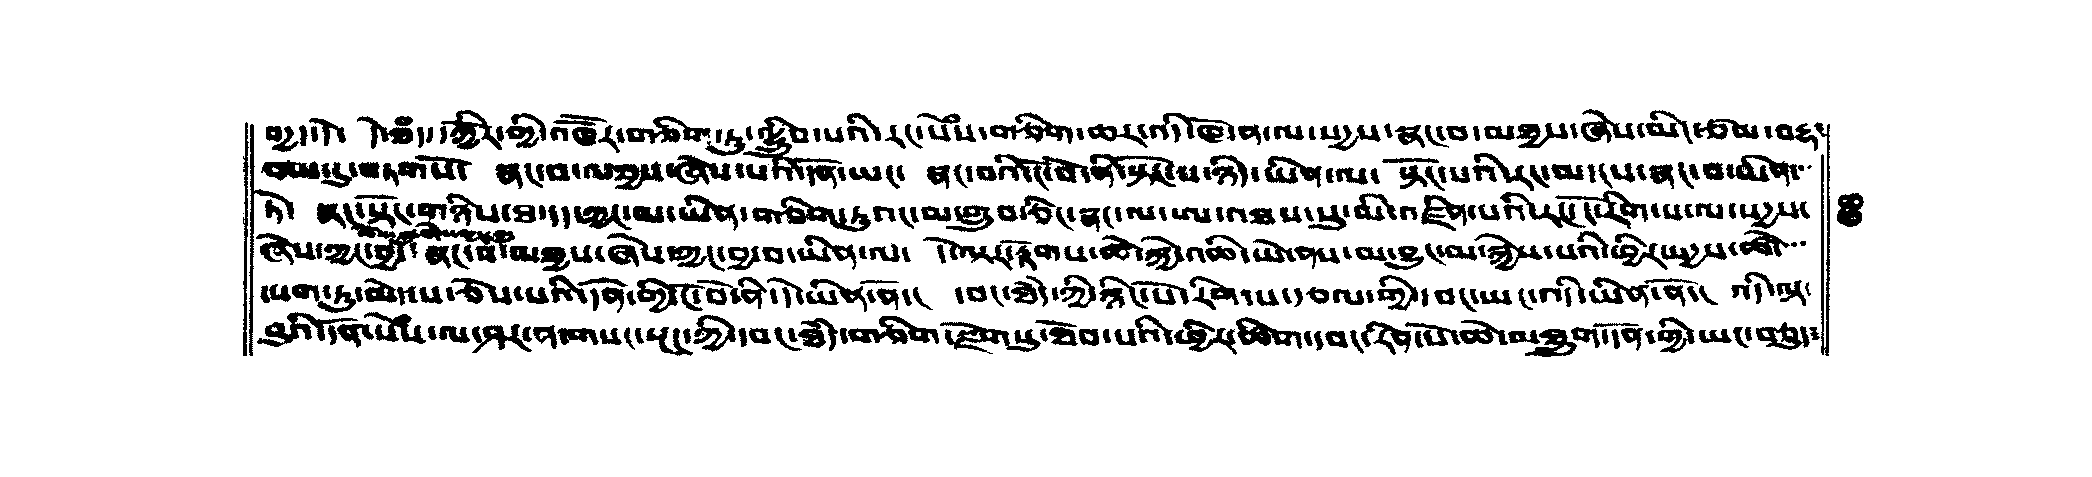བརྒྱད་དེ། དེ་ཐམས་ཅད་དཀྱིལ་འཁོར་གྱི་འཁོར་ལོ་གཅིག་ཏུ་ལྷུན་གྱིས་གྲུབ་པའི་རང་སེམས་གཅིག་ཆར་འདི་ཁོ་ན་ལ་སངས་རྒྱས་སྣང་བ་མཐའ་ཡས་ཞེས་མིང་ཙམ་བརྡ་
ཙམ་དུ་བཏགས་སོ། སྣང་བ་མཐའ་ཡས་ཞེས་པའི་དོན་ཡང་། སྣང་བའི་ངོ་བོ་ནི་སྟོང་པ་ཉིད་ཡིན་ལ། སྟོང་པའི་རང་མདངས་སྣང་བ་ཡིན་
ཏེ། སྣང་སྟོང་གཉིས་ཐ་དད་ཀྱང་མ་ཡིན་གཅིག་ཏུའང་མ་གྲུབ་ཅིང་སྣང་ལ་ཨ་འཐས་སུ་མི་འཛིན་པའི་རང་ངོ་རིག་པ་ལས་སངས་རྒྱས་
ཞེས་ཀྱང་བྱ། ཆོས་སྐུ་ཞེས་བྱ། སྣང་བ་མཐས་ཡས་ཞེས་ཀྱང་བ་ཡིན་ལ། དེ་ལྟར་རྟོགས་ཚེ་སྐྱེ་འཆི་ཡེ་ནས་མ་བྱུང་མ་སྐྱེས་པའི་ཕྱིར་སངས་རྒྱས་ཚེ་
དཔག་ཏུ་མེད་པ་ཅེས་པའི་དོན་གྱི་ངོ་བོ་ནི་དེ་ཡིན་ནོ། དབང་ཐམས་ཅད་ཀྱི་སྙིང་པོ་རིག་པ་རྩལ་གྱི་དབང་ཡང་འདི་ཡིན་ནོ། འདི་ལྟ་
བུའི་དོན་སེམས་ལ་ཤར་ན་གསང་སྔགས་ཀྱི་དབང་ཐམས་ཅད་གཅིག་རྫོགས་སུ་ཐོབ་པའི་ཕྱིར་ཚིག་དབང་རིན་པོ་ཆེ་མཐར་ཐུག་དོན་གྱི་ཡང་བཅུད་